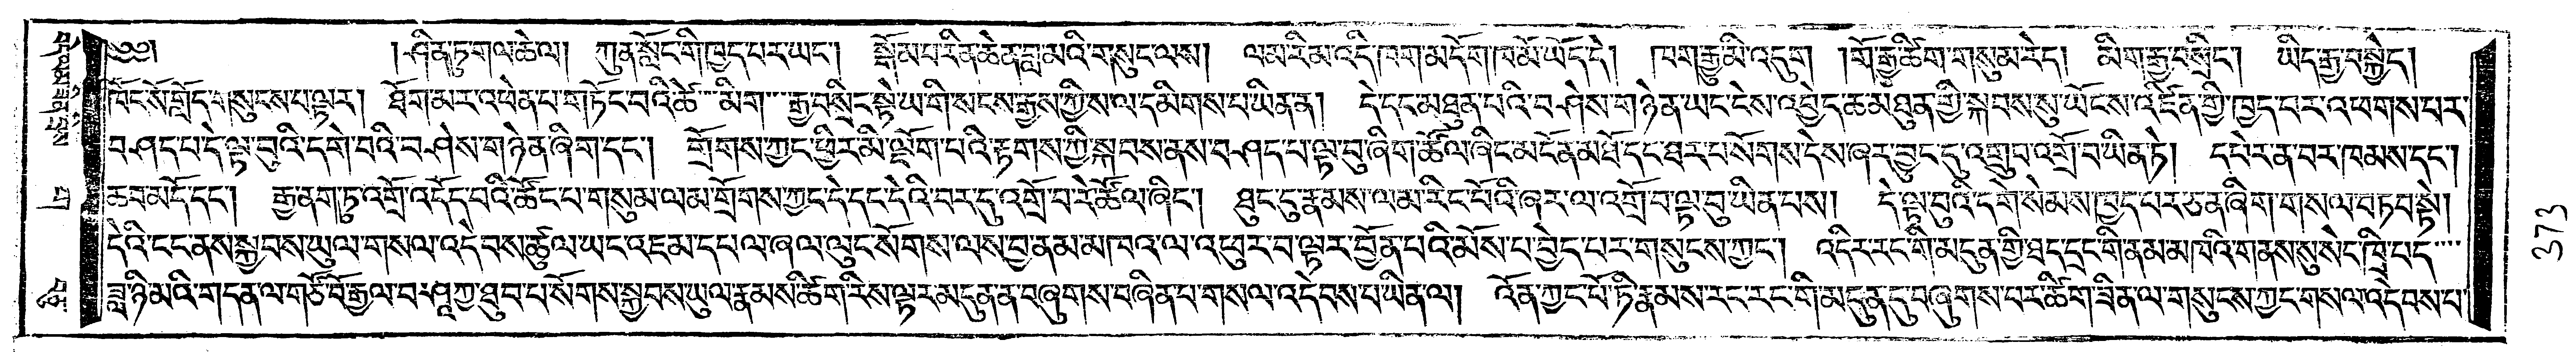༄༅། །ཤིན་ཏུ་གལ་ཆེལ། ཀུན་སློང་གི་ཁྲད་བར་ཡང་། སྒོམ་པ་རིན་ཆེན་བླ་མའི་གསུང་ལས། ལམ་རིམ་འདི་ཁག་མདོག་ཁ་མོ་ཡོད་དེ། ཁག་རྒྱུ་མི་འདུག །གོ་རྒྱ་ཚིག་གསུམ་རེད། མིག་རྒྱ་བསྲིང་། ཡིད་རྒྱ་བསྐྱེད། །
ལོང་སོ་གློད་གསུངས་བ་ལྟར། ཐོག་མར་འཕེན་པ་གཏོང་བའི་ཚེ་མིག་རྒྱ་བསྲིང་སྟེ་ཡ་གི་སངས་རྒྱས་ཀྱི་ས་ལ་དམིགས་བ་ཡིན་ན། དེ་དང་མཐུན་པའི་བཤེས་གཉེན་ཡང་ངེས་འབྱེད་ཆ་མཐུན་གྱི་སྐབས་སུ་ཡོངས་འཛིན་གྱི་ཁྱད་པར་འཕགས་བར་
བཤད་པ་དེ་ལྟ་བུའི་དགེ་བའི་བཤེས་གཉེན་ཞིག་དང་། གྲོགས་ཀྱང་ཕྱིར་མེ་ལྷོག་པའི་རྟགས་ཀྱི་སྐབས་ནས་བཤད་པ་ལྟ་བུ་ཞིག་ཚོལ་ཞིང་མངོན་མཐོ་དང་ཐར་པ་སོགས་དེས་ཞར་བྱུང་དུ་འགྲུབ་འགྲོ་བ་ཡིན་ཏེ། དཔེར་ན་བར་ཁམས་དང་།
ཆབ་མདོ་དང་། རྒྱ་ནག་ཏུ་འགྲོ་འདོད་བའི་ཚོང་པ་གསུམ་ལམ་གྲོགས་ཀྱང་དེ་དང་དེའི་ངར་དུ་འགྲོ་བ་རེ་ཚོལ་ཞིང་། ཐུང་ངུ་རྣམས་ལམ་རིང་པོའི་ཞར་ལ་འགྲོ་བ་ལྟ་བུ་ཡིན་པས། དེ་ལྟ་བུའི་དགེ་སེམས་ཁྱད་པར་ཅན་ཞིག་གསལ་བཏབ་སྟེ།
དེའི་ངང་ནས་སྐྱབས་ཡུལ་གསལ་འདེ་པས་ཚུལ་ཡང་འཇམ་དཔལ་ཞལ་ལུང་སོགས་ལས་བྱ་ནམ་མཁའ་ལ་འཕུར་བ་ལྟར་བྱོན་པའི་མོས་པ་བྱེད་པར་གསུངས་ཀྱང་། འདིར་རང་གི་མདུན་གྱི་ཐད་དྲང་གི་ནམ་མཁའི་གནས་སུ་སེང་ཁྲི་བད་
ཟླ་ཉི་མའི་གདན་ལ་གཙོ་བོ་རྒྱལ་བ་ཤཱཀྱ་ཐུབ་པ་སོགས་སྐྱབས་ཡུལ་རྣམས་ཚིག་རིས་ལྟར་མདུན་ན་བཞུགས་བཞིན་པ་གསལ་འདེབས་པ་ཡིན་ལ། འོན་ཀྱང་པོ་ཏི་རྣམས་རང་རང་གི་མདུན་དུ་བཞུགས་པར་ཚིག་ཟིན་ལ་གསུངས་ཀྱང་གསལ་འདེབས་པ་